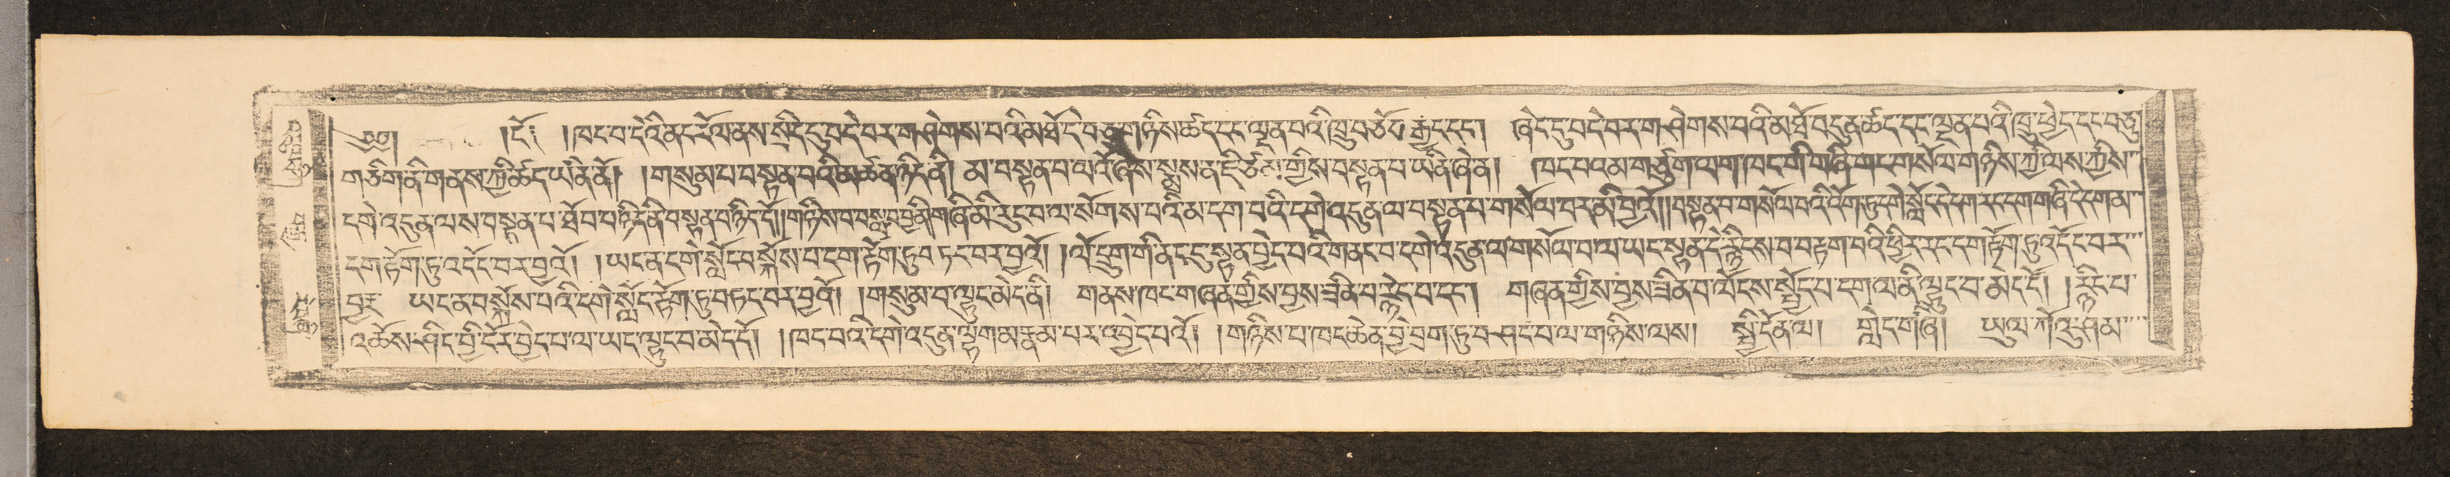༄༅། །ངོ། །ཁང་པ་དེའི་ནང་རོལ་ནས་སྲིད་དུ་བདེ་བར་གཤེགས་པའི་མཐོ་དེ་བཅུ་གཉིས་ཚད་དང་ལྡན་པའི་ཁྲུ་བཅོ་བརྒྱད་དང་། ཞེང་དུ་བདེ་བར་གཤེགས་པའི་མཐོ་བདུན་ཚད་དང་ལྡན་པའི་ཁྲུ་ཕྱེད་དང་བཅུ་
གཅིག་ནི་གནས་ཀྱི་ཚད་ཡིན་ནོ། །གསུམ་པ་བསྟན་པའི་མཚན་ཉིད་ནི། མ་བསྟན་པ་ལའོ་ཞེས་སྨྲས་ན་ཇི་ཙམ་གྱིས་བསྟན་བ་ཡིན་ཞེན། ཁང་པའམ་གཙུག་ལག་ཁང་གི་གཞི་གང་གསོལ་གཉིས་ཀྱི་ལས་ཀྱིས་
དགེ་འདུན་ལས་བསྟན་པ་ཐོབ་པ་ཉིད་ནི་བསྟན་པ་ཉིད་དོ། །གཉིས་བ་བསླབ་བྱིན། གཞི་མི་རུང་བ་ལ་སོགས་པའི་མ་དག་པའི་དགེ་འདུན་ལ་བསྟན་པ་གསོལ་བར་མི་བྱའོ། །བསྟན་པ་གསོལ་བའི་འོག་ཏུ་དགེ་སློང་དེ་དག་རང་དག་གཞི་དེ་དག་མ་
དག་རྟོག་ཏུ་འདོད་བར་བྱའོ། །ཡང་ན་དགེ་སློང་བསྐོས་པ་དག་རྟོག་ཏུ་བཏང་བར་བྱའོ། །ལོ་དྲུག་གི་ནང་དུ་སྟན་བྱེད་པའི་གནང་བ་དགེ་འདུན་ལ་གསོལ་བ་ལ་ཡང་སྟན་དེ་རྙིངས་བ་བརྟག་པའི་ཕྱིར་རང་དག་རྟོག་ཏུ་འདོང་བར་
བྱ༑ ཡང་ན་བསྐོས་པའི་དགེ་སློང་རྟོག་ཏུ་བཏང་བར་བྱའོ། །གསུམ་པ་ལྟུང་མེད་ནི། གནས་ཁང་གཞན་གྱིས་བྱས་ཟིན་པ་རྙེད་པ་དང་། གཞན་གྱིས་བྱས་ཟིན་པ་ལོངས་སྤྱོད་པ་དག་ལ་ནི་ལྟུང་བ་མེད་དོ། །རྙིང་པ་
འཆོས་ཤིང་བྱི་དོར་བྱེད་པ་ལ་ཡང་ལྟུང་བ་མེད་དོ། །ཁང་པའི་དགེ་འདུན་ལྷག་མ་རྣམ་པར་འབྱེད་པའོ། །གཉིས་པ་ཁང་ཆེན་བྱེ་བྲག་ཏུ་བཤད་པ་ལ་གཉིས་ལས། སྤྱི་དོན་ལ། གླེང་གཞི། ཡུལ་ཀོའུ་ཤམ་